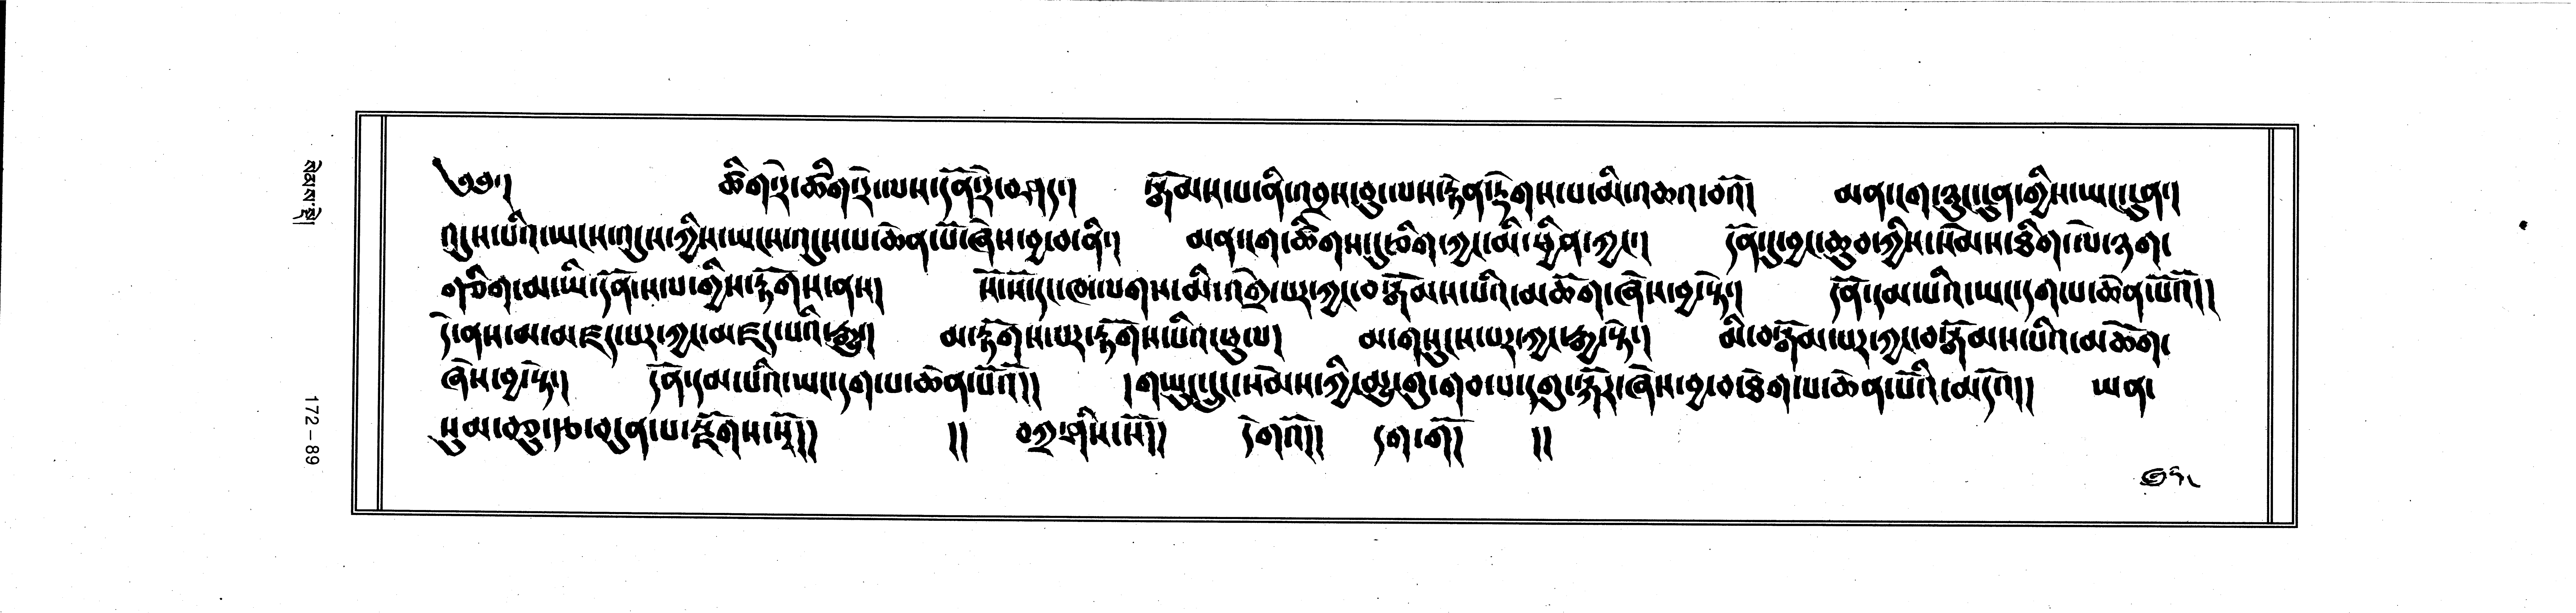ཚིག་རེ་ཚིག་རེ་ལས་དོན་རེ་བཤད། སྒོམ་པ་ནི་འབྲས་བུ་ལས་རྟེན་རྡེགས་པ་མི་འཆའ་བའོ། མན་ངག་ཉུང་ངུན་གྱིས་ཡང་ངུན།
འདུས་པའི་ཡངས་འདུས་ཀྱིས་ཡངས་འདུས་པ་ཆེན་པོ་ཞེས་བྱ་བ་ནི། མན་ངག་ཚིག་དུ་ཅིག་ཀྱང་མི་ཕྱིན་ཀྱང་། དོན་དུ་བྱང་ཆུབ་ཀྱིས་སེམས་ཐིག་ལེ་ཉག་
གཅིག་མ་ཡི་དོན་སལ་གྱིས་རྟོགས་ནས། སོ་སོ་དང་ཁ་ལག་མི་འགྲེ་པར་ཀྱང་བསྒོམས་པའི་མཆོག་ཞེས་བྱ་སྟེ། དོན་དམ་པའི་ཡང་དག་པ་ཆེན་པོའོ། 
དེ་ནས་མ་མཛད་པར་ཀྱང་མཛད་པའི་རྒྱུ། མ་རྟོགས་པར་རྟོགས་པའི་ཕུལ། མ་གསུངས་པར་ཀྱང་རྒྱ་སྟེ། མི་བསྒོམ་པར་ཀྱང་བསྒོམས་པའི་མཆོག་
ཞེས་བྱ་སྟེ། དོན་དམ་པའི་ཡང་དག་པ་ཆེན་པོའོ། གཡུང་དྲུང་སེམས་ཀྱི་མྱུ་གུ་གབ་པ་དགུ་སྐོར་ཞེས་བྱ་བ་ཐེག་པ་ཆེན་པོའི་མདོའ། ཡན་
སུམ་བཅུ་རྩ་བདུན་པ་རྫོགས་སྭོ། བཀྲ་ཤིས་སྭོ། དགེའོ། དག་གོ།